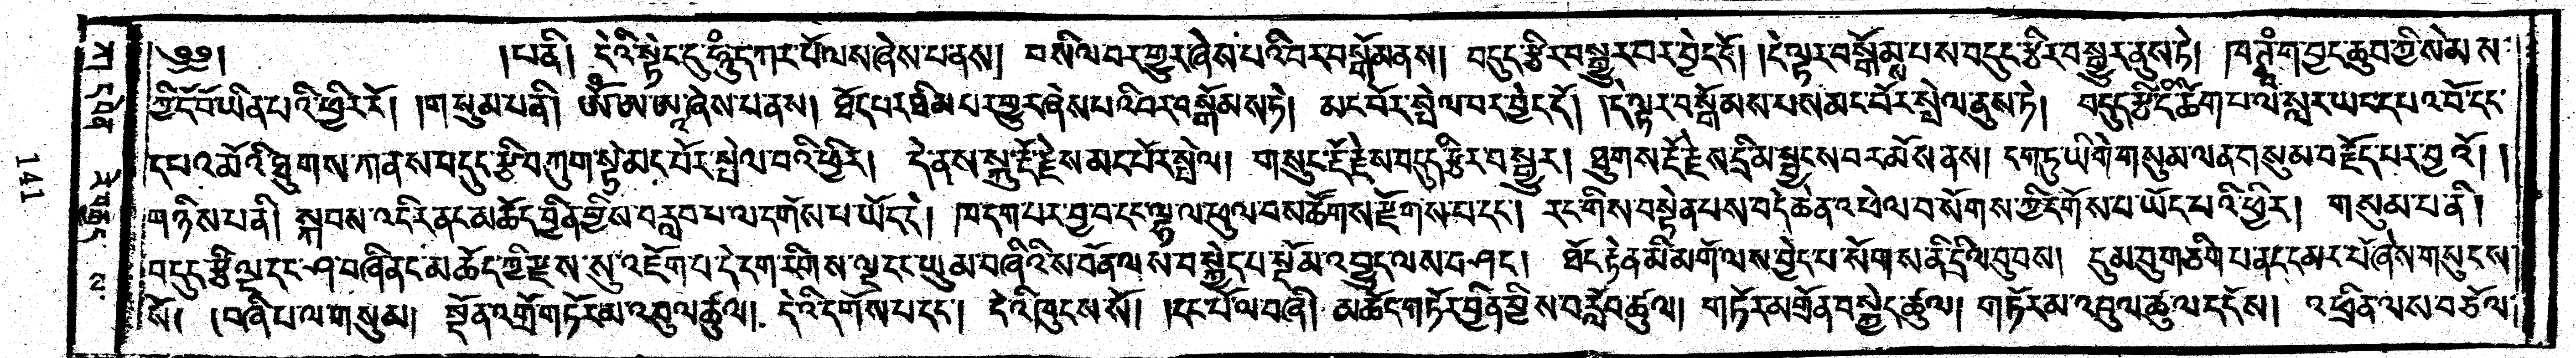༄༅། །པ་ནི། དེའི་སྟེང་དུ་ཧཱུཾ་དཀར་པོ་ལས་ཞེས་པ་ནས། བསིལ་བར་གྱུར་ཞེས་པའི་བར་བསྒོམ་ནས། བདུད་རྩིར་བསྒྱུར་བར་བྱེད་དོ། །དེ་ལྟར་བསྒོམས་པས་བདུད་རྩིར་བསྒྱུར་ནུས་ཏེ། ཁ་ཊྭཱཾ་ག་བྱང་ཆུབ་ཀྱི་སེམས་
ཀྱི་ངོ་བོ་ཡིན་པའི་ཕྱིར་རོ། །གསུམ་པ་ནི། ཨོཾ་ཨ་ཨཱ་ཞེས་པ་ནས། ཐོད་པར་ཐིམ་པར་གྱུར་ཞེས་པའི་བར་བསྒོམས་ཏེ། མང་བོར་སྤེལ་བར་བྱེད་དོ། །དེ་ལྟར་བསྒོམས་པས་མང་པོར་སྤེལ་ནུས་ཏེ། བདུད་རྩི་ངཾ་ཚིག་པ་ལ་སླར་ཡང་དཔའ་བོ་དང་
དཔའ་མོའི་ཐུགས་ཀ་ནས་བདུང་རྩི་བཀུག་སྟེ་མང་པོར་སྤེལ་བའི་ཕྱིར། དེ་ནས་སྐུ་རྡོ་རྗེས་མང་པོར་སྤེལ། གསུང་རྡོ་རྗེས་བདུད་རྩིར་བསྒྱུར། ཐུགས་རྡོ་རྗེས་དྲི་མ་སྦྱངས་བར་མོས་ནས། ངག་ཏུ་ཡི་གེ་གསུམ་ལན་གསུམ་བརྗོད་པར་བྱའོ། །
གཉིས་པ་ནི། སྐབས་འདིར་ནང་མཆོད་བྱིན་གྱིས་བརླབ་པ་ལ་དགོས་པ་ཡོད་དེ། ཁ་དག་པར་བྱ་བ་དང་ལྷ་ལ་ཕུལ་བས་ཚོགས་རྫོགས་པ་དང་། རང་གིས་བསྟེན་པས་བདེ་ཆེན་འཕེལ་བ་སོགས་ཀྱི་དགོས་པ་ཡོད་པའི་ཕྱིར། གསུམ་པ་ནི།
བདུད་རྩི་ལྔ་དང་ཤ་བཞི་ནང་མཆོད་ཀྱི་རྫས་སུ་འཇོག་པ་དེ་དག་རིགས་ལྔ་དང་ཡུམ་བཞིའི་ས་བོན་ལས་བསྐྱེད་པ་སྡོམ་འབྱུང་ལས་བཤད། ཐོང་རྟེན་མི་མགོ་ལས་བྱེད་པ་སོགས་ནི་དྲིལ་བུ་བས། དུམ་བུ་གཅིག་པ་ནང་དམར་པོ་ཞེས་གསུངས་
སོ། །བཞི་པ་ལ་གསུམ། སྡོན་འགྲོ་གཏོར་མ་འབུལ་ཚུལ། དེའི་དགོས་པ་དང་། དེའི་ཁུངས་སོ། །དང་པོ་ལ་བཞི། མཆོད་གཏོར་བྱིན་བྱིས་བརློབ་ཚུལ། གཏོར་མགྲོན་བསྐྱེད་ཚུལ། གཏོར་མ་འབུལ་ཚུལ་དངོས། འཕྲིན་ལས་བཅོལ་